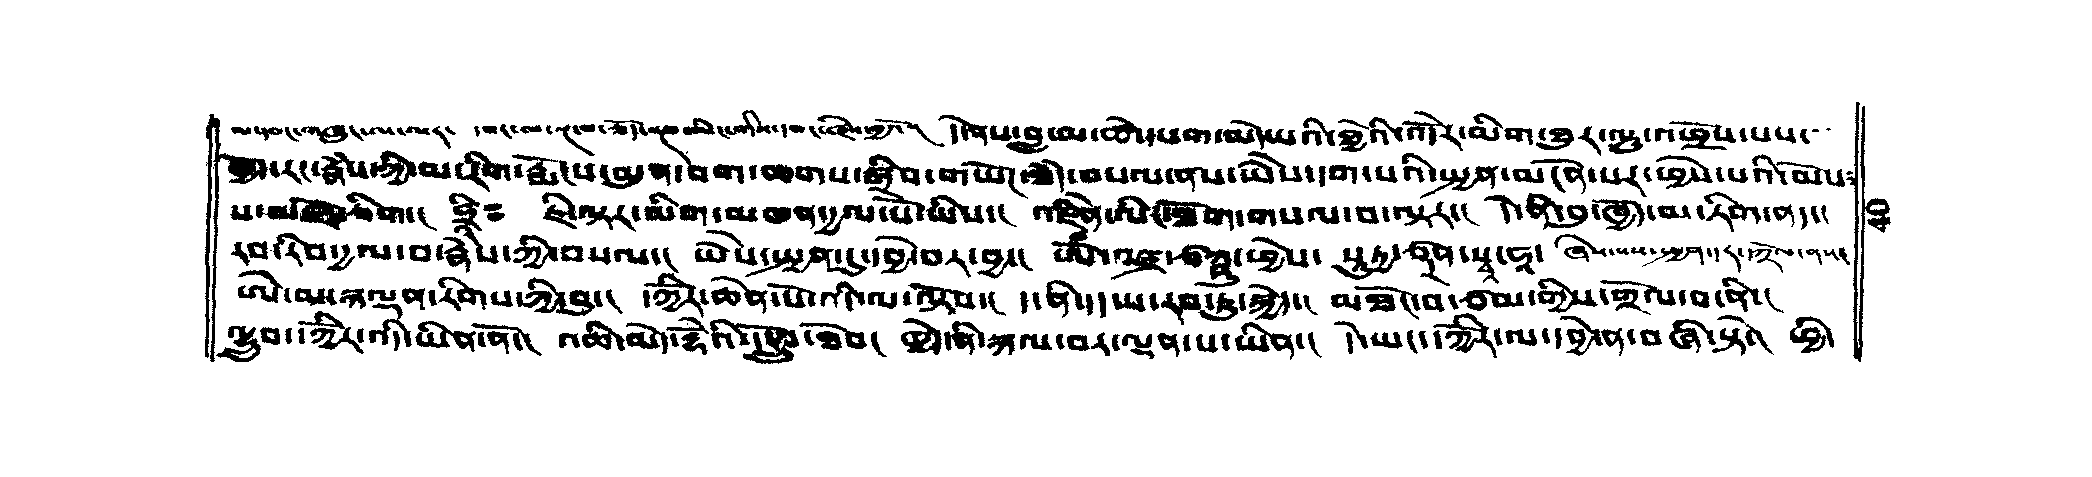མ་དབང་་ལ་ལར། དབང་ལ་ལྔ་བ་ཅོད་པཎ་མིང་གིས་དབང་ཞེས་བྱའོ། དེ་ནས་བླ་མ་ཚེ་དཔག་མེད་པའི་ཐུགས་རྗེའི་འོད་ཟེར་མིག་ཐུར་ལྟ་བུ་འཕྲོས་པས་
ཁྱོད་རང་རྣམས་ཀྱི་མ་རིག་རྨོངས་མུན་བག་ཆགས་སྒྲིབ་གཡོགས་ཐམས་ཅད་བསལ་ནས་ཡེ་ཤེས་དག་པའི་སྤྱན་མངོན་པར་ཕྱེས་པའི་མོས་
པ་མཛོད་ཅིག ཧྲཱིཿ ཇི་ལྟར་མིག་མཁན་རྒྱལ་པོ་ཡིས། འཇིག་རྟེན་ལེགས་ཐོག་གསལ་བ་ལྟར། དེ་ནི་བུ་ཁྱོད་མ་ཏིག་ནད་
རབ་རིབ་རྒྱལ་བ་རྣམས་ཀྱི་བསལ། ཡེ་ཤེས་སྤྱན་དུ་དབྱེ་བར་བྱ། ཨོཾ་བཛྲ་ཙཀྵུ་ཕྱེས། པཱུཏྱ་ཙནྡྲ་སྭཱ་ཧཱ། ཞེས་པས་སྤྱན་དར་དཀྲོལ་ནས། 
ཨེ་མ་སྐལ་ལྡན་རིགས་ཀྱི་བུ། དཀྱིལ་འཁོར་ཆེན་པོ་འདི་ལ་ལྟོས། ད་ནི་དད་པ་རབ་ཏུ་སྐྱེད། མཐོང་བ་ཙམ་གྱིས་གྲོལ་བ་ནི། 
ལྷུན་གྲུབ་དཀྱིལ་འཁོར་འདི་ཡིན་ནོ། འཆི་མེད་རྡོ་རྗེའི་དངོས་གྲུབ་ཐོབ། ཁྱེད་ནི་སྐལ་བར་ལྡན་པ་ཡིན། དེ་ཡང་དཀྱིལ་འཁོར་ལ་དབྱེ་ན་བཞི་སྟེ། ཕྱི་